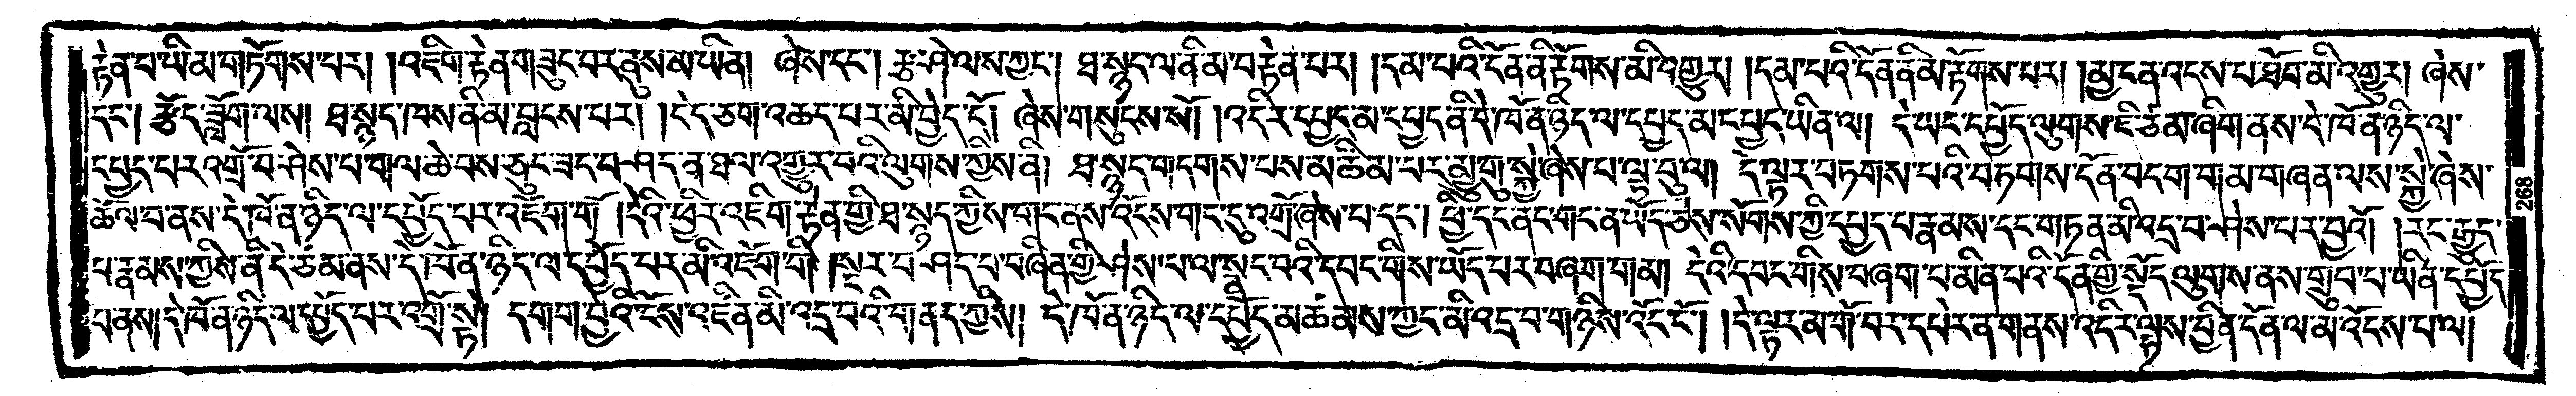རྟེན་པ་ཡི་མ་གཏོགས་པར། །འཇིག་རྟེན་གཟུང་བར་ནུས་མ་ཡིན། ཞེས་དང་། རྩ་ཤེ་ལས་ཀྱང་། ཐ་སྙད་ལ་ནི་མ་བརྟེན་པར། །དམ་པའི་དོན་ནི་རྟོགས་མི་འགྱུར། །དམ་པའི་དོན་ནི་མ་རྟོགས་པར། །མྱ་ངན་འདས་པ་ཐོབ་མི་འགྱུར། ཞེས་
དང་། རྩོད་ཟློག་ལས། ཐ་སྙད་ཁས་ནི་མ་བླངས་པར། །ངེད་ཅག་འཆད་པར་མི་བྱེད་དོ། ཞེས་གསུངས་སོ། །འདིར་དཔྱད་མ་དཔྱད་ནི་དེ་ཁོ་ན་ཉིད་ལ་དཔྱད་མ་དཔྱད་ཡིན་ལ། དེ་ཡང་དཔྱོད་ལུགས་ཇི་ཙམ་ཞིག་ནས་དེ་ཁོ་ན་ཉིད་ལ་
དཔྱད་པར་འགྲོ་བ་ཤེས་པ་གལ་ཆེ་བས་ཅུང་ཟད་བཤད་ན་ཐལ་འགྱུར་བའི་ལུགས་ཀྱིས་ནི། ཐ་སྙད་གདགས་པས་མ་ཚིམ་པར་མྱུ་གུ་སྐྱེ་ཞེས་པ་ལྟ་བུ་ལ། དེ་ལྟར་བཏགས་པའི་བཏགས་དོན་བདག་གམ་གཞན་ལས་སྐྱེ་ཞེས་
ཚོལ་བ་ནས་དེ་ཁོ་ན་ཉིད་ལ་དཔྱོད་པར་འཇོག་གོ །དེའི་ཕྱིར་འཇིག་རྟེན་གྱི་ཐ་སྙད་ཀྱིས་གང་ནས་འོངས་གང་དུ་འགྲོ་ཞེས་པ་དང་། ཕྱི་དང་ནང་གང་ན་ཡོད་ཅེས་སོགས་ཀྱི་དཔྱད་པ་རྣམས་དང་གཏན་མི་འདྲ་བ་ཤེས་པར་བྱའོ། །རང་རྒྱུད་
པ་རྣམས་ཀྱིས་ནི་དེ་ཙམ་ནས་དེ་ཁོ་ན་ཉིད་ལ་དཔྱོད་པར་མི་འཇོག་གི །སྔར་བཤད་པ་བཞིན་གྱི་ཤེས་པ་ལ་སྣང་བའི་དབང་གིས་ཡོད་པར་བཞག་གམ། དེའི་དབང་གིས་བཞག་པ་མིན་པའི་དོན་གྱི་སྡོད་ལུགས་ནས་གྲུབ་པ་ཡིན་དཔྱོད་
པ་ནས། དེ་ཁོ་ན་ཉིད་ལ་དཔྱོད་པར་འགྲོ་སྟེ། དགག་བྱའི་ངོས་འཛིན་མི་འདྲ་བའི་གནད་ཀྱིས། དེ་ཁོ་ན་ཉིད་ལ་དཔྱོད་མཚམས་ཀྱང་མི་འདྲ་བ་གཉིས་འོང་ངོ། །དེ་ལྟར་མ་གོ་བར་དཔེར་ན་གནས་འདིར་ལྷས་བྱིན་དོན་ལ་མ་འོངས་པ་ལ།